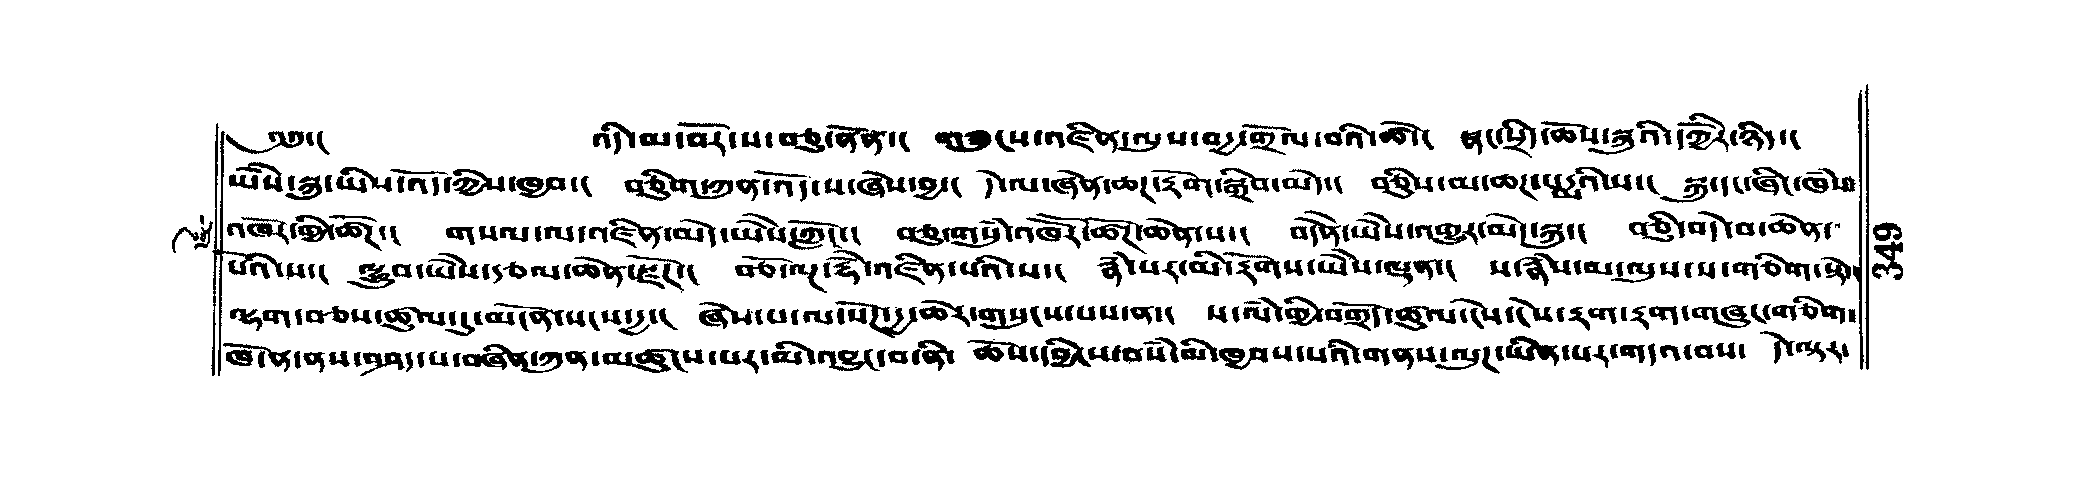འདི་མ་བོར་ས་བཅུ་ནོན། །གཟུང་འཛིན་ལུས་བརྒྱ་གྲོལ་བའི་ཚེ། །སྣང་སྲིད་ཆོས་སྐུའི་དཀྱིལ་འཁོར་ཉིད། །
ཡེ་ཤེས་སྐུ་ཡིས་འོད་ཀྱིས་ཁྱབ། །བཅུ་གཅིག་ཀུན་འོད་ས་ཞེས་བྱ། །དེ་ལ་ཞེན་ཆགས་རྟོག་སྒྲིབ་མེད། །བཅུ་གཉིས་མ་ཆགས་པདྨའི་ས། །སྐུ་དང་ཞིང་ཁམས་
འཁོར་གྱི་ཚོགས། །གསལ་ལ་འཛིན་མེད་ཡེ་ཤེས་ཀློང་། །བཅུ་གསུམ་འཁོར་ལོ་ཚོགས་ཆེན་པ། །བདེ་ཆེན་ཡེ་ཤེས་འགྱུར་མེད་སྐུ། །བཅུ་བཞི་བདེ་བ་ཆེན་
པོའི་ས། །ལྷུན་གྲུབ་ཡེ་ཤེས་རྩལ་ཆེན་རྫོགས། །བཅོ་ལྔ་རྡོ་རྗེ་འཛིན་པའི་ས། །རྣམ་པར་མི་རྟོག་ཡེ་ཤེས་ལྡན། །ས་རྣམས་མ་ལུས་ས་གཅིག་སྟེ། །
ལྷག་བཅས་ཚུལ་དུ་མངོན་སངས་རྒྱ། ཞེས་པ་ལ་སོགས་རྒྱ་ཆེར་གསུངས་པས་ན། ས་ལམ་གྱི་བགྲོད་ཚུལ་ངེས་ངེས་རྟག་རྟག་གཞུང་གཅིག་
ཁོ་ན་ནས་བཤད་པ་བཞིན་ཀུན་མཚུངས་པར་མི་འབྱུང་བ་ནི། ཆོས་དབྱིངས་བསམ་མི་ཁྱབ་པའི་གནས་ལུགས་ཡིན་པར་གདའ་བས། དེ་ལྟར་